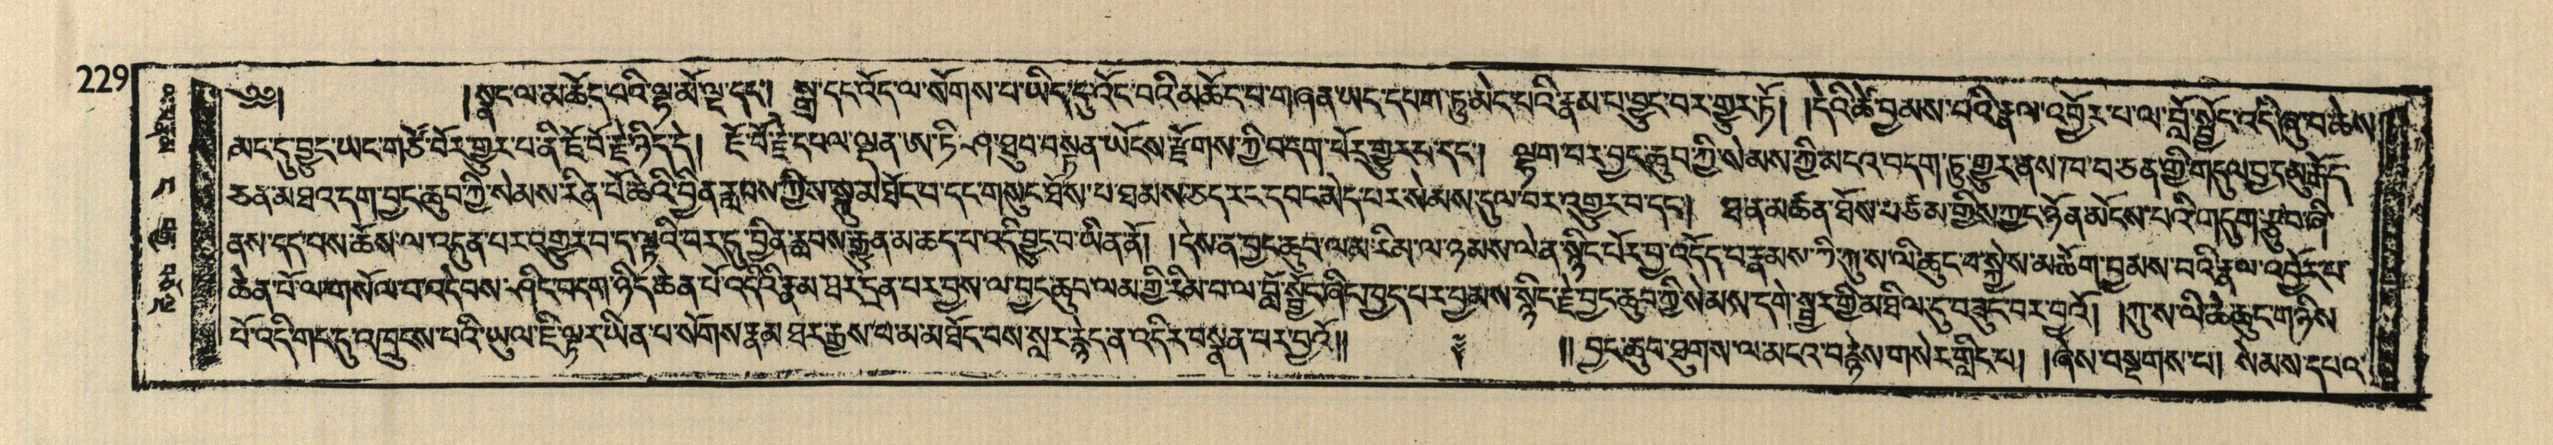༄༅། །སྣང་ལ་མཆོད་པའི་ལྷ་མོ་ལྔ་དང་། སྒྲ་དང་འོད་ལ་སོགས་པ་ཡིད་དུ་འོང་བའི་མཆོད་པ་གཞན་ཡང་དཔག་ཏུ་མེད་པའི་རྣམ་པ་བྱུང་བར་གྱུར་ཏོ། །དེའི་ཚེ་བྱམས་པའི་རྣལ་འབྱོར་པ་ལ་བློ་སྦྱོང་འདི་ཞུ་བ་ཆེས་
མང་དུ་བྱུང་ཡང་གཙོ་བོར་གྱུར་པ་ནི་ཇོ་བོ་རྗེ་ཉིད་དེ། ཇོ་བོ་རྗེ་དཔལ་ལྡན་ཨ་ཏི་ཤ་ཐུབ་བསྟན་ཡོངས་རྫོགས་ཀྱི་བདག་པོར་གྱུར་པ་དང་། ལྷག་པར་བྱང་ཆུབ་ཀྱི་སེམས་ཀྱི་མངའ་བདག་ཏུ་གྱུར་ནས་ཁ་བ་ཅན་གྱི་གདུལ་བྱ་དམུ་རྒོད་
ཅན་མཐའ་དག་བྱང་ཆུབ་ཀྱི་སེམས་རིན་པོ་ཆེའི་བྱིན་རླབས་ཀྱིས་སྐུ་མཐོང་བ་དང་གསུང་ཐོས་པ་ཐམས་ཅད་རང་དབང་མེད་པར་སེམས་དུལ་བར་འགྱུར་བ་དང་། ཐ་ན་མཚན་ཐོས་པ་ཙམ་གྱིས་ཀྱང་ཉོན་མོངས་པའི་གདུག་རྩུབ་ཞི་
ནས་དད་པས་ཆོས་ལ་འདུན་པར་འགྱུར་བ་ད་ལྟའི་བར་དུ་བྱིན་རླབས་རྒྱུན་མ་ཆད་པ་འདི་བྱུང་བ་ཡིན་ནོ། །དེས་ན་བྱང་ཆུབ་ལམ་རིམ་ལ་ཉམས་ལེན་སྙིང་པོར་བྱ་འདོད་བ་རྣམས་ཀྱི་ཀུ་ས་ལི་ཆུང་བ་སྐྱེས་མཆོག་བྱམས་བའི་རྣལ་འབྱོར་པ་
ཆེན་པོ་ལ་གསོལ་བ་འདེབས་ཤིང་བདག་ཉིད་ཆེན་པོ་འདིའི་རྣམ་ཐར་དྲན་པར་བྱས་ལ་བྱང་ཆུབ་ལམ་གྱི་རིམ་པ་ལ་བློ་སྦྱོང་ཞིང་ཁྱད་པར་བྱམས་སྙིང་རྗེ་བྱང་ཆུབ་ཀྱི་སེམས་དགེ་སྦྱར་གྱི་མཐིལ་དུ་བཟུང་བར་བྱའོ། །ཀུ་ས་ལི་ཆེ་ཆུང་གཉིས་
པོ་འདི་གང་དུ་འཁྲུངས་པའི་ཡུལ་ཇི་ལྟར་ཡིན་པ་སོགས་རྣམ་ཐར་རྒྱས་པ་མ་མཐོང་བས་སླར་རྙེད་ན་འདིར་བསྣན་པར་བྱའོ།། ༈ །།བྱང་ཆུབ་ཐུགས་ལ་མངའ་བརྙེས་གསེར་གླིང་པ། །ཞེས་བསྔགས་པ། སེམས་དཔའ་